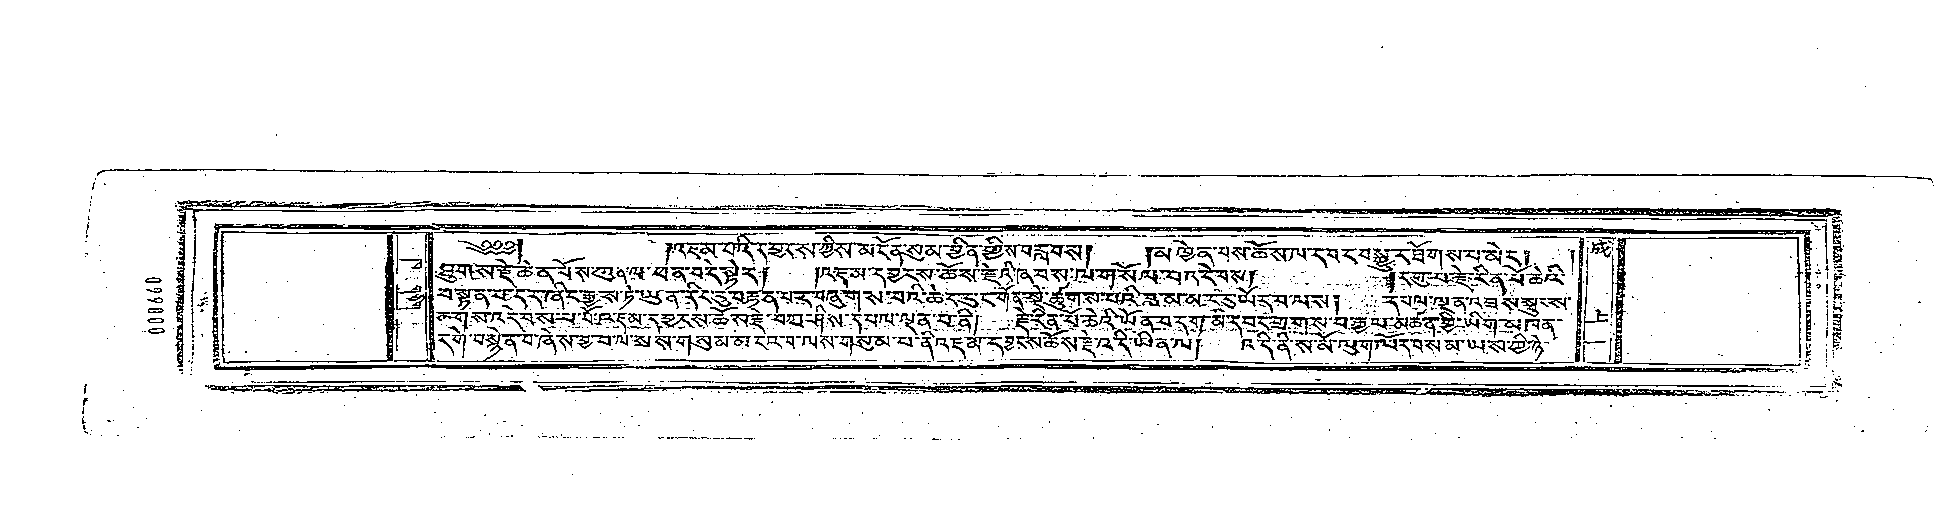༄༅༅། །འཇམ་པའི་དབྱངས་ཀྱིས་མངོན་སུམ་བྱིན་གྱིས་བརླབས། །མཁྱེན་པས་ཆོས་ལ་དབང་བསྐྱུར་ཐོགས་པ་མེད།
ཐུགས་རྗེ་ཆེན་པོས་ཀུན་ལ་ཕན་བདེ་སྟེར། །འཇམ་དབྱངས་ཆོས་རྗེའི་ཞབས་ལ་གསོལ་བ་འདེབས། །དགུ་པ་རྗེ་རིན་པོ་ཆེའི་
བསྟན་པ་དར་ཞིང་རྒྱས་ཏེ་ཡུན་རིང་དུ་བརྟན་པར་བཞུགས་བའི་ཆེད་དུ་དགོན་སྡེ་ཚུགས་པའི་བླ་མ་མང་དུ་ཡོད་པ་ལས། དཔལ་ལྡན་འབྲས་སྦུངས་
ཆགས་འདེབས་པ་པོ་འཇམ་དབྱངས་ཆོས་རྗེ་བཀྲ་ཤིས་དཔལ་ལྡན་པ་ནི། རྗེ་རིན་པོ་ཆེའི་ཡོན་བདག་མི་དབང་གྲགས་པ་རྒྱལ་མཚན་གྱི་ཡིག་མཁན་
དགེ་བསྙེན་བ་ཞེས་བྱ་བ་ལ་སྲས་གསུམ་མངའ་བ་ལས་གསུམ་པ་ནི་འཇམ་དབྱངས་ཆོས་རྗེ་འདི་ཡིན་ལ། འདི་ནི་ས་མོ་ལུག་ལོར་བསམ་ཡས་ཀྱི་ཉེ་